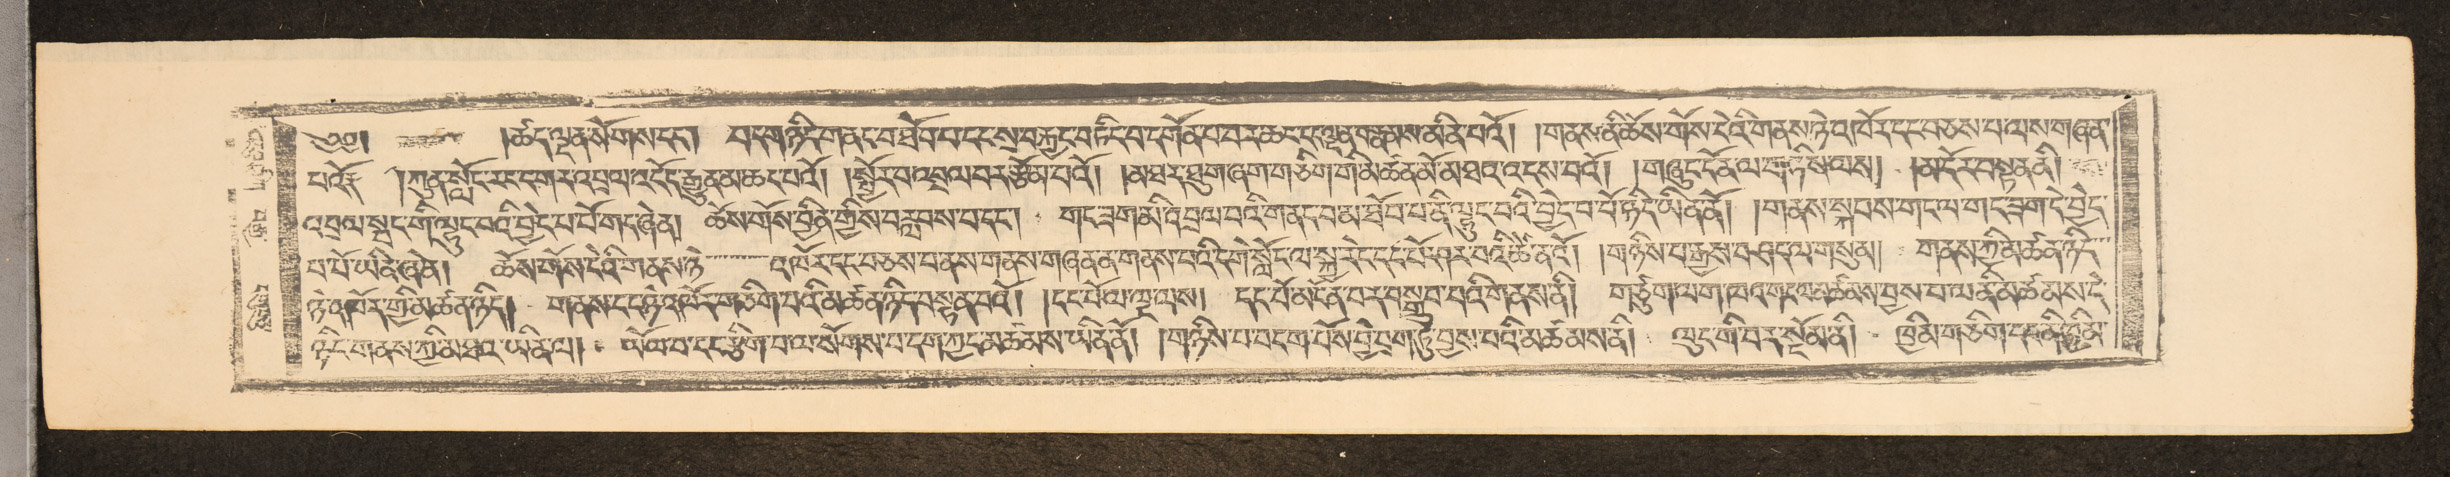༄༅། །ཚད་ལྡན་སོགས་དང་། བདག་ཉིད་གནང་བ་ཐོབ་པ་དང་སྲ་བརྐྱང་བཏིང་བ་དགོན་པ་བར་ཆང་དང་ལྡན་པ་རྣམས་མིན་པའོ། །གནས་ནི་ཆོས་གོས་དེའི་གནས་ཉེ་འཁོར་དང་བཅས་པ་ལས་གཞན་
པའོ༑ །ཀུན་སློང་རང་དགར་འབྲལ་འདོད་རྒྱུན་མ་ཆད་པའོ། །སྦྱོར་པ་འབྲལ་བར་རྩོམ་པའོ། །མཐར་ཐུག་ཞག་གཅིག་གི་མཚན་མོ་མཐའ་འདས་པའོ། །གཞུང་དོན་ལ་གཉིས་ལས། །མདོར་བསྟན་ནི།
འབྲལ་སྤང་གི་ལྟུང་བའི་བྱེད་པ་པོ་གང་ཞེ་ན། ཆོས་གོས་བྱིན་གྱིས་བརླབས་པ་དང་། གང་ཟག་མི་འབྲལ་བའི་གནད་བ་མ་ཐོབ་པ་ནི་ལྟུང་བའི་བྱེད་པ་པོ་ཉིད་ཡིན་ནོ། །གནས་སྐབས་གང་ལ་གང་ཟག་དེ་བྱེད་
པ་པོ་ཡིན་ཞེ་ན། ཆོས་གོས་དེའི་གནས་ཉེ་འཁོར་དང་བཅས་པ་ནས་གནས་གཞན་ན་གནས་པའི་དགེ་སློང་ལ་སྐྱ་རེང་དང་པོ་ཤར་བའི་ཚེ་ནའོ། །གཉིས་པ་རྒྱས་བཤད་ལ་གསུམ། གནས་ཀྱི་མཚན་ཉིད་
ཉེ་འཁོར་གྱི་མཚན་ཉིད། གནས་དང་ཉེ་འཁོར་གཅིག་པའི་མཚན་ཉིད་བསྟན་པའོ། །དང་པོ་ལ་ལྔ་ལས། དང་པོ་མངོན་པར་བསྒྲུབ་པའི་གནས་ནི། གཙུག་ལག་ཁང་གང་ལ་མཚམས་བྱས་པ་ལ་ནི་མཚམས་དེ་
ཉིད་གནས་ཀྱི་མཐའ་ཡིན་ལ། ཡོལ་བ་དང་རྩིག་པ་ལ་སོགས་པ་དག་ཀྱང་མཚམས་ཡིན་ནོ། །གཉིས་པ་བདག་པོས་བྱེ་བྲག་ཏུ་བྱས་པའི་མཚམས་ནི། ལུང་གི་བར་སྡོམ་ནི། ཁྱིམ་གཅིག་དང་ནི་ཁྱིམ་